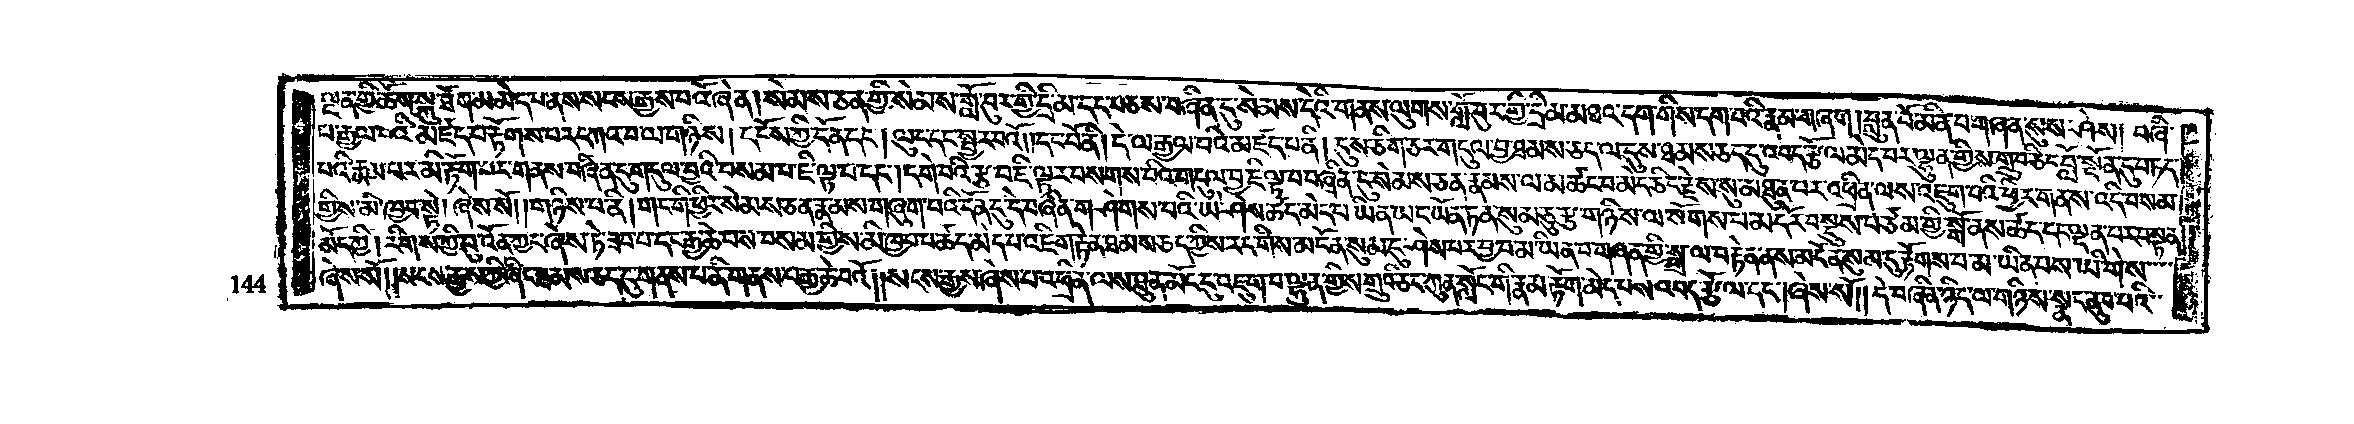ལྡན་གྱི་ཆོས་སྐུ་ཐོག་མ་མེད་པ་ནས་སངས་རྒྱས་པའོ་ཞེ་ན། སེམས་ཅན་གྱི་སེམས་གློ་བུར་གྱི་དྲི་མ་དང་བཅས་བཞིན་དུ་སེམས་དེའི་གནས་ལུགས་གློ་བུར་གྱི་དྲི་མ་མཐའ་དག་གིས་དག་པའི་རྣམ་གཞག །བླུན་པོ་མིན་པ་གཞན་སུས་ཤེས། བཞི་
པ་རྒྱལ་བའི་མཛད་པ་རྟོགས་པར་དཀའ་བ་ལ་གཉིས། དངོས་ཀྱི་དོན་དང་། ལུང་དང་སྦྱར་བའོ། །དང་པོ་ནི། དེ་ལ་རྒྱལ་བའི་མཛད་པ་ནི། དུས་ཅིག་ཅར་གདུལ་བྱ་ཐམས་ཅད་ལ་དུས་ཐམས་ཅད་དུ་འབད་རྩོལ་མེད་པར་ལྷུན་གྱིས་གྲུབ་ཅིང་བློ་སྔོན་དུ་བཏང་
བའི་རྣམ་པར་མི་རྟོག་པར་གནས་བཞིན་དུ་གདུལ་བྱའི་བསམ་པ་ཇི་ལྟ་བ་དང་། དགེ་བའི་རྩ་བ་ཇི་ལྟར་བསགས་པའི་གདུལ་བྱ་ཇི་ལྟ་བ་བཞིན་དུ་སེམས་ཅན་རྣམས་ལ་མཚང་བ་མེད་ཅིང་རྗེས་སུ་མཐུན་པར་འཕྲིན་ལས་འཇུག་པའི་ཕྱིར་གནས་འདི་བསམ་
གྱིས་མི་ཁྱབ་སྟེ། ཞེས་སོ། །གཉིས་པ་ནི། གང་གི་ཕྱིར་སེམས་ཅན་རྣམས་གཞུག་པའི་དོན་དུ་དེ་བཞིན་གཤེགས་པའི་ཡེ་ཤེས་ཚད་མེད་པ་ཡིན་ཡང་ཡོན་ཏན་སུམ་ཅུ་རྩ་གཉིས་ལ་སོགས་པ་མདོར་བསྡུས་པ་ཙམ་གྱི་སྒོ་ནས་ཚད་དང་ལྡན་པར་བསྟན་
མོད་ཀྱི། རིགས་ཀྱི་བུ་འོན་ཀྱང་ཞེས་ཏེ་ཟབ་པ་དང་རྒྱ་ཆེ་བས་བསམ་གྱིས་མི་ཁྱབ་པ་ཚད་མེད་པ་འཇིག་རྟེན་ཐམས་ཅད་ཀྱིས་རང་གིས་མངོན་སུམ་དུ་ཤེས་པར་བྱ་བ་མ་ཡིན་པ་གཞན་གྱི་སྒྲ་ལ་བརྟེན་ནས་མངོན་སུམ་དུ་རྟོགས་པ་མ་ཡིན་པས་ཡི་གེས་
ཞེས་སོ། །སངས་རྒྱས་ཀྱི་ཞིང་ཐམས་ཅད་དུ་གནས་པ་ནི་གནས་པ་རྒྱ་ཆེ་བའོ། །སངས་རྒྱས་ཞེས་པ་འཕྲིན་ལས་ཐུན་མོང་དུ་འཇུག་པ་ལྷུན་གྱིས་གྲུབ་ཅིང་ཀུན་སློང་གི་རྣམ་རྟོག་མེད་པས་འབད་རྩོལ་དང་། ཞེས་སོ། །དེ་བཞིན་ཉིད་ལ་གཉིས་སྣང་ནུབ་པའི་